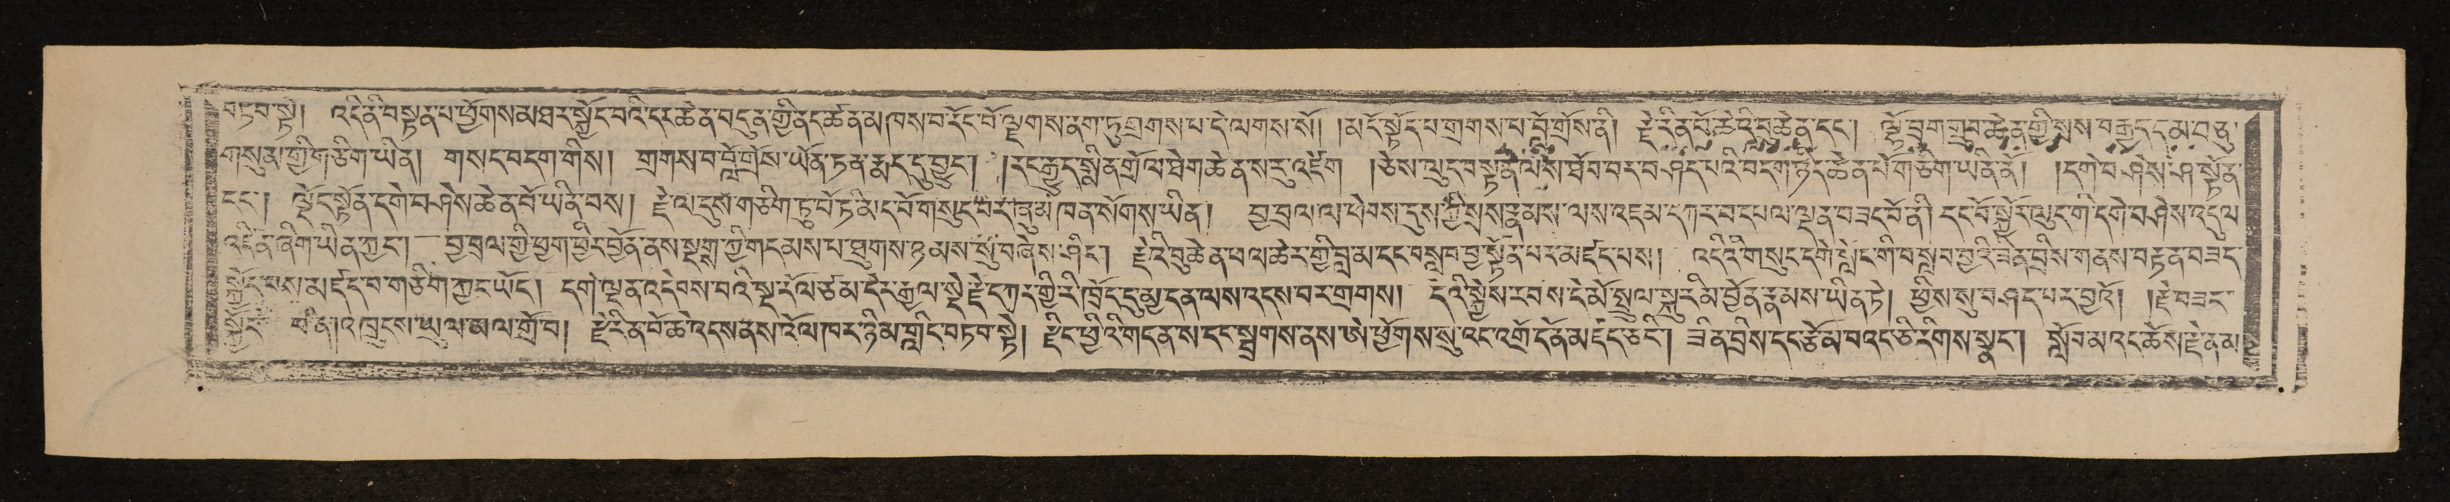བཏབ་སྟེ། འདི་ནི་བསྟན་པ་ཕྱོགས་མཐར་སྐྱོང་བའི་དར་ཆེན་བདུན་གྱི་ནང་ཚན་མཁས་པ་རོང་པོ་ལྗགས་ནག་ཏུ་གྲགས་པ་དེ་ལགས་སོ། །མདོ་སྟོད་པ་གྲགས་པ་བློ་གྲོས་ནི། རྗེ་རིན་པོ་ཆེའི་བུ་ཆེན་དང་། ལྷོ་བྲག་གྲུབ་ཆེན་གྱི་སྲས་བརྒྱད་དམ་བཅུ་
གསུམ་གྱི་གཅིག་ཡིན། གསང་བདག་གིས། གྲགས་པ་བློ་གྲོས་ཡོན་ཏན་རྨད་དུ་བྱུང་། །རང་རྒྱུད་སྨིན་གྲོལ་ཐེག་ཆེན་ས་རུ་འཛེག །ཅེས་ལུང་བསྟན་ལ་ས་ཐོབ་པར་བཤད་པའི་བདག་ཉིད་ཆེན་པོ་གཅིག་ཡིན་ནོ། །དགེ་བཤེས་ཤ་སྟོན་
དང༑ ལྡོང་སྟོན་དགེ་བཤེས་ཆེན་པོ་ཡིན་པས། རྗེ་ལ་དུས་གཅིག་ཏུ་པོ་ཏི་མང་པོ་གསུང་བར་ཞུ་མཁན་སོགས་ཡིན། བྱ་བྲལ་ལ་ཕེབས་དུས་ཀྱི་སྲས་རྣམས་ལས་འཇམ་དཀར་བ་དཔལ་ལྡན་བཟང་པོ་ནི། དང་པོ་སྐྱོར་ལུང་གི་དགེ་བཤེས་འདུལ་
འཛིན་ཞིག་ཡིན་ཀྱང་། བྱ་བྲལ་གྱི་ཕྱག་ཕྱིར་བྱོན་ནས་སྔགས་ཀྱི་གདམས་པ་ཐུགས་ཉམས་སུ་བཞེས་ཤིང་། རྗེའི་བུ་ཆེན་ཕལ་ཆེར་གྱི་བླ་མ་དང་བསླབ་བྱ་སྟོན་པར་མཛད་པས། འདིའི་གསུང་དགེ་སློང་གི་བསླབ་བྱའི་ཟིན་བྲིས་གནས་བརྟན་བཟང་
སྐྱོང་པས་མཛད་པ་གཅིག་ཀྱང་ཡོད། དགེ་ལྡན་འདེབས་པའི་སྔ་རོལ་ཙམ་དེར་རྒྱལ་སྡེ་རྗེ་དཀར་གྱི་རི་ཁྲོད་དུ་མྱ་ངན་ལས་འདས་པར་གྲགས། དེའི་སྐྱེས་རབས་དེ་མོ་སྤྲུལ་སྐུ་རིམ་བྱོན་རྣམས་ཡིན་ཏེ། ཕྱིས་སུ་བཤད་པར་བྱའོ། །རྗེ་བཟང་
སྐྱོང་བ་ནི། འཁྲུངས་ཡུལ་མལ་གྲོ་བ། རྗེ་རིན་པོ་ཆེ་འདས་ནས་འོལ་ཁར་ཉི་མ་གླིང་བཏབ་སྟེ། རྫིང་ཕྱིའི་གདན་ས་དང་སྦྲགས་ནས་ཨེ་ཕྱོགས་སུའང་འགྲོ་དོན་མཛད་ཅིང་། ཟིན་བྲིས་དང་རྩོམ་པའང་ཅི་རིགས་སྣང་། སློབ་མའང་ཆོས་རྗེ་ནམ་